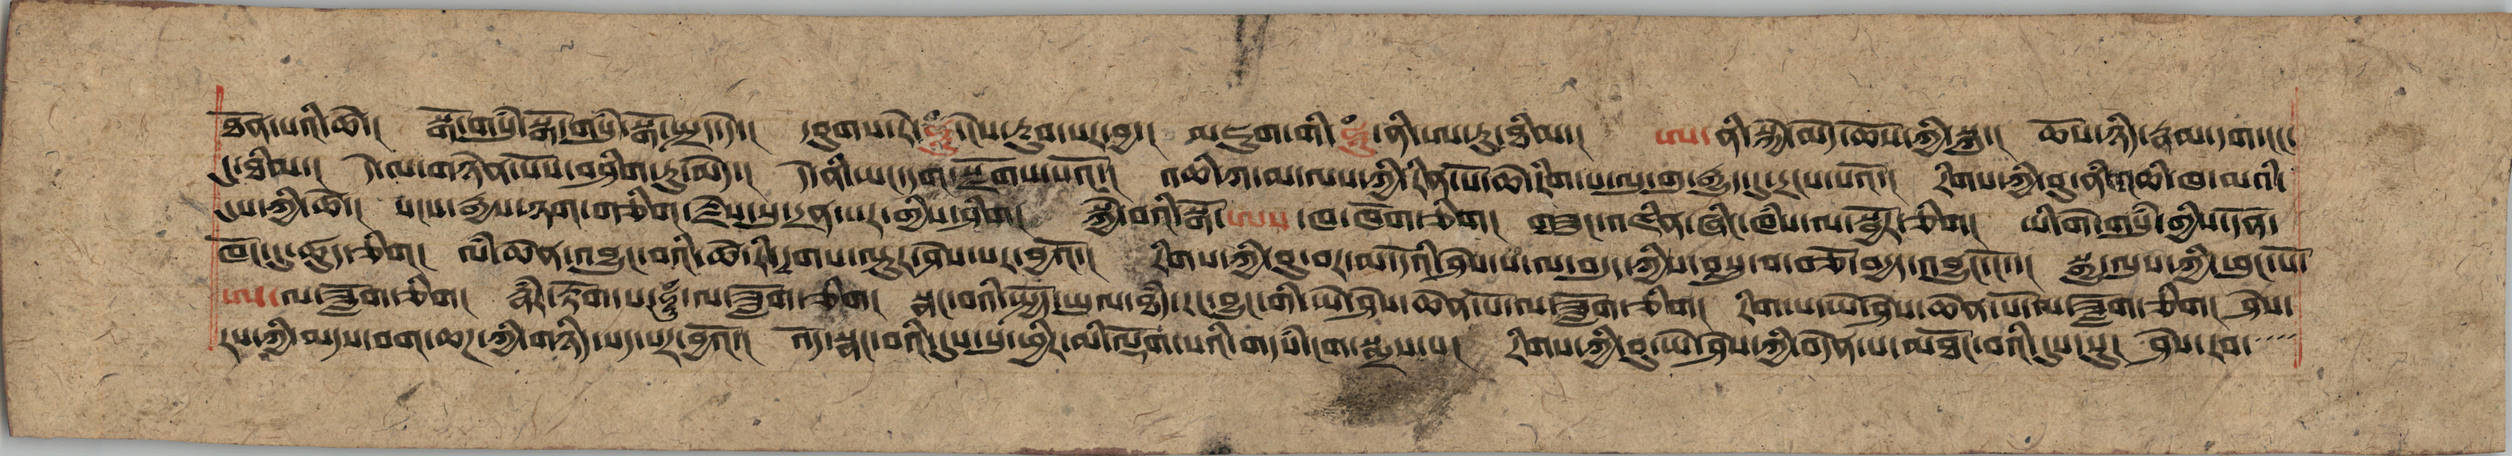ཐོན་པའི་ཚེ་། སྒོ་གསུཾ་སྒོ་གསུཾ་སྒོ་སྤྲད་དེ་། དབུགས་རེ་ཧཱུཾ་ངེས་རྔུབ་པར་བྱ་། མཛུག་གི་ཧཱུཾ་ནི་ཨ་རུ་ཐིམ་། ཨ་ནི་སྐྱེ་མེད་ཆོས་ཀྱི་སྐུ་། ཆོས་ཉིད་རྣམ་དག་ངང་
དུ་ཐིམ་། དེ་ལ་གཉེན་པོས་བཤིག་ཏུ་མེད་། དེ་ནི་ཡང་དག་སྫོགས་པའོ་། འཆི་ཀ་མ་ལས་ཀྱི་རིན་པོ་ཆེ་རིག་པ་ལུ་གུ་རྒྱུད་དུ་དྲངས་པའོ་། རིགས་ཀྱི་བུ་ནཾ་འཆི་ཁ་མའི་
དུས་ཀྱི་ཚེ་། སངས་རྒྱས་ཉག་གཅིག་རྗེས་སུ་དྲན་པར་གྱིས་ཤིག། སྐྱེ་བའི་སྒོ་ཨས་ཁ་ཁོག་ཅིག། གཟུང་འཛིན་ཞིང་ཁཾས་ལ་སྦྱོར་ཅིག། ཡི་གེ་གསུཾ་གྱིས་དོན་
ཁོང་དུ་ཚུད་ཅིག། ལཾ་ཆེན་འབྱུང་བའི་ཚེ་རི་དྭགས་ལྟུར་ཤེས་པར་བྱའོ་། རིགས་ཀྱི་བུ་བར་མ་དོའི་ཤེས་པ་ལ་བདུད་ཀྱིས་བསླུ་བ་བཅོ་བདྱད་འབྱུང་ངོ་་། སྒྱུ་ལུས་ཀྱི་ཕུང་པོ་
ཨ་ལ་ཟློག་ཅིག། རྣཾར་རྟོག་པ་ཧཱུཾ་ལ་ཟློག་ཅིག། སྣང་བའི་སྤྱོད་ཡུལ་ཐཾད་རང་བྱུང་གི་ཡེ་ཤེས་ཆེན་པོ་ལ་ཟློག་ཅིག། རིག་པ་ཡེ་ཤེས་ཆེན་པོ་ལ་ཟློག་ཅིག། ཤེས་
རས་ཀྱི་མདས་བག་ཆགས་ཀྱི་གཉིད་སད་པར་བྱའོ་། འོད་སྣང་བའི་དུས་སུ་ཕྱིར་མི་ལྡོག་པའི་གདཾས་ངག་སྨྲས་པ་། རིགས་ཀྱི་བུ་ཡེ་ཤེས་བདེན་པ་མཐོང་བའི་དུས་སུ་། ཤེས་རབ་